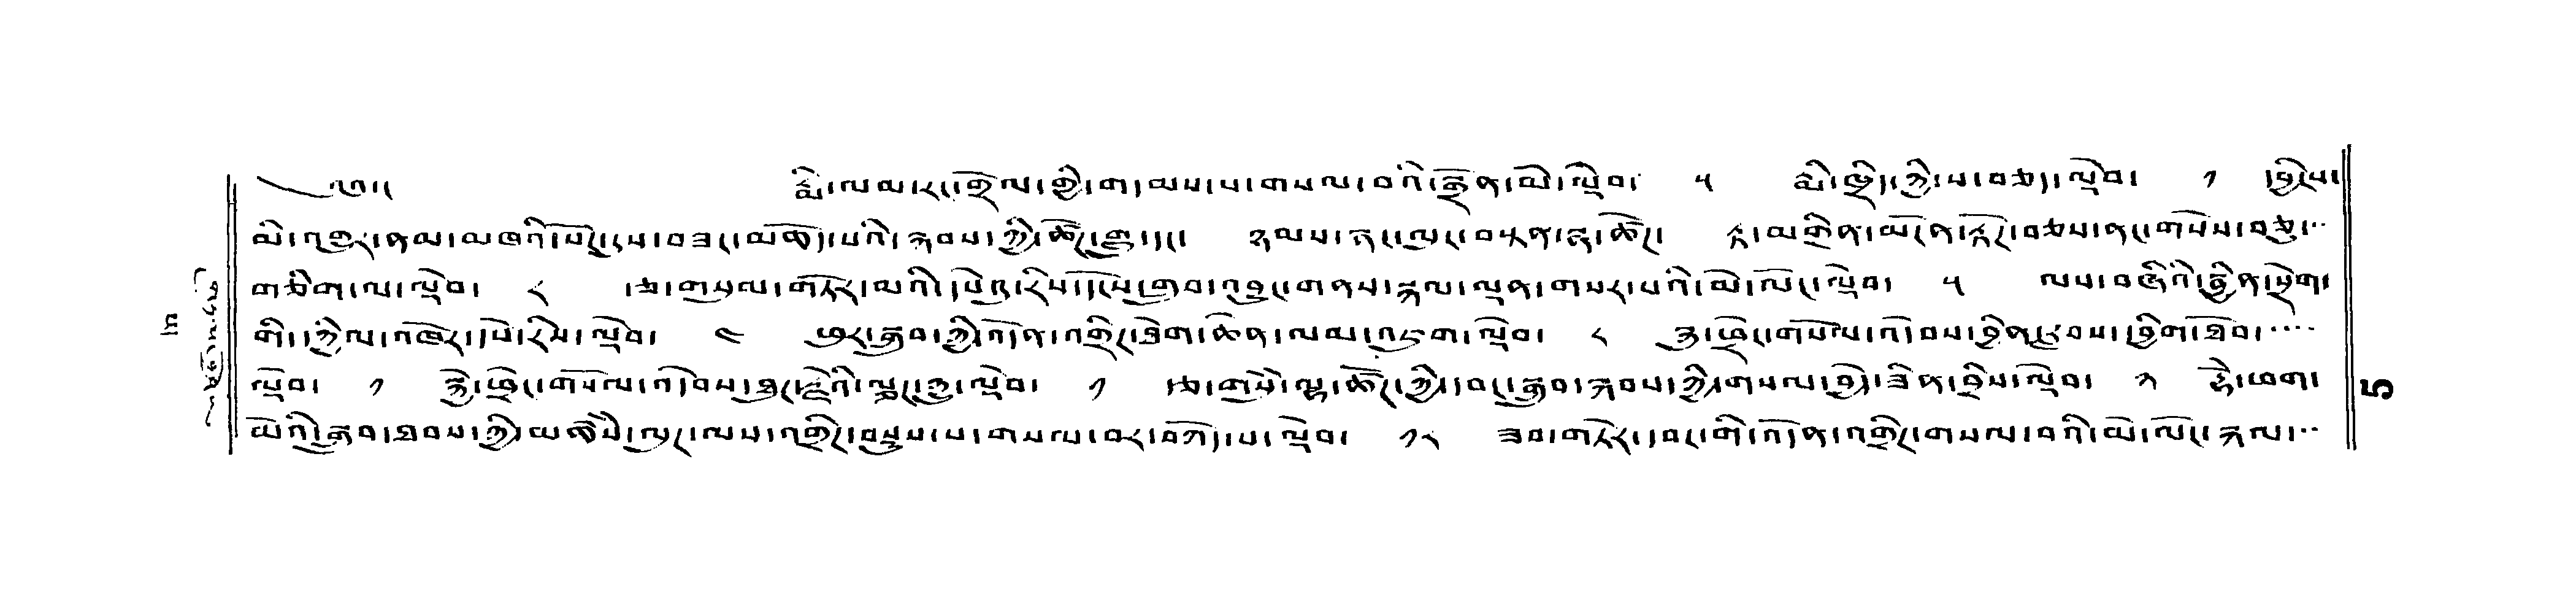རྨི་ལམ་རང་གྲོལ་གྱི་གདམས་པ་གསལ་བའི་སྒྲོན་མེ་ལྡེབ། རྨི་ཁྲིད་ཀྱི་ས་བཅད་ལྡེབ། དབྱིངས་
མི་འགྱུར་ནམ་མཁའི་སོགས་དུས་བཟང་མཆོད་པའི་སྐབས་ཀྱི་ཚོགས་གླུ་དང་། ཉམས་སྣང་ལུང་བསྟན་སྣ་ཚོགས། རྟ་མགྲིན་མངོན་རྟོགས་བཅས་ནང་གསེས་བཅུ་
གཅིག་ལ་ལྡེབ། རྩ་གསུམ་གཏོར་མའི་དཔེའུ་རིས་དངོས་གྲུབ་འབྱུང་གནས་སྐལ་ལྡན་གསར་པའི་མེ་ལོང་ལྡེབ། ལས་བཞིའི་སྦྱིན་སྲིག་
གི་དཀྱིལ་འཁོར་དཔེ་རིས་ལྡེབ། ཕུར་སྒྲུབ་ཀྱི་འདོན་འགྲིགས་ཐེག་ཆེན་ལམ་འཇུག་ལྡེབ། སྐུ་ཕྲེང་གསོལ་འདེབས་བྱིན་རླབས་དབྱིག་ཐོབ་
ལྡེབ། སྐྱེ་ཕྲེང་གསོལ་འདེབས་ཐུགས་རྗེའི་ལྕགས་ཀྱུ་ལྡེབ། རྩ་གསུམ་ལྷ་ཚོགས་ཀྱི་དབང་སྒྲུབ་སྐབས་ཀྱི་གསལ་བྱེད་ཟིན་བྲིས་ལྡེབ། རྡོ་རྗེ་ཕག་
མོའི་སྒྲུབ་ཐབས་ཀྱི་མཚམས་ལུགས་ལས་འགྲིགས་བསྡུས་པ་གསལ་བར་བཀོད་པ་ལྡེབ། ཟབ་གཏེར་དབང་གི་འདོན་འགྲིགས་གསལ་བའི་མེ་ལོང་སྐལ་